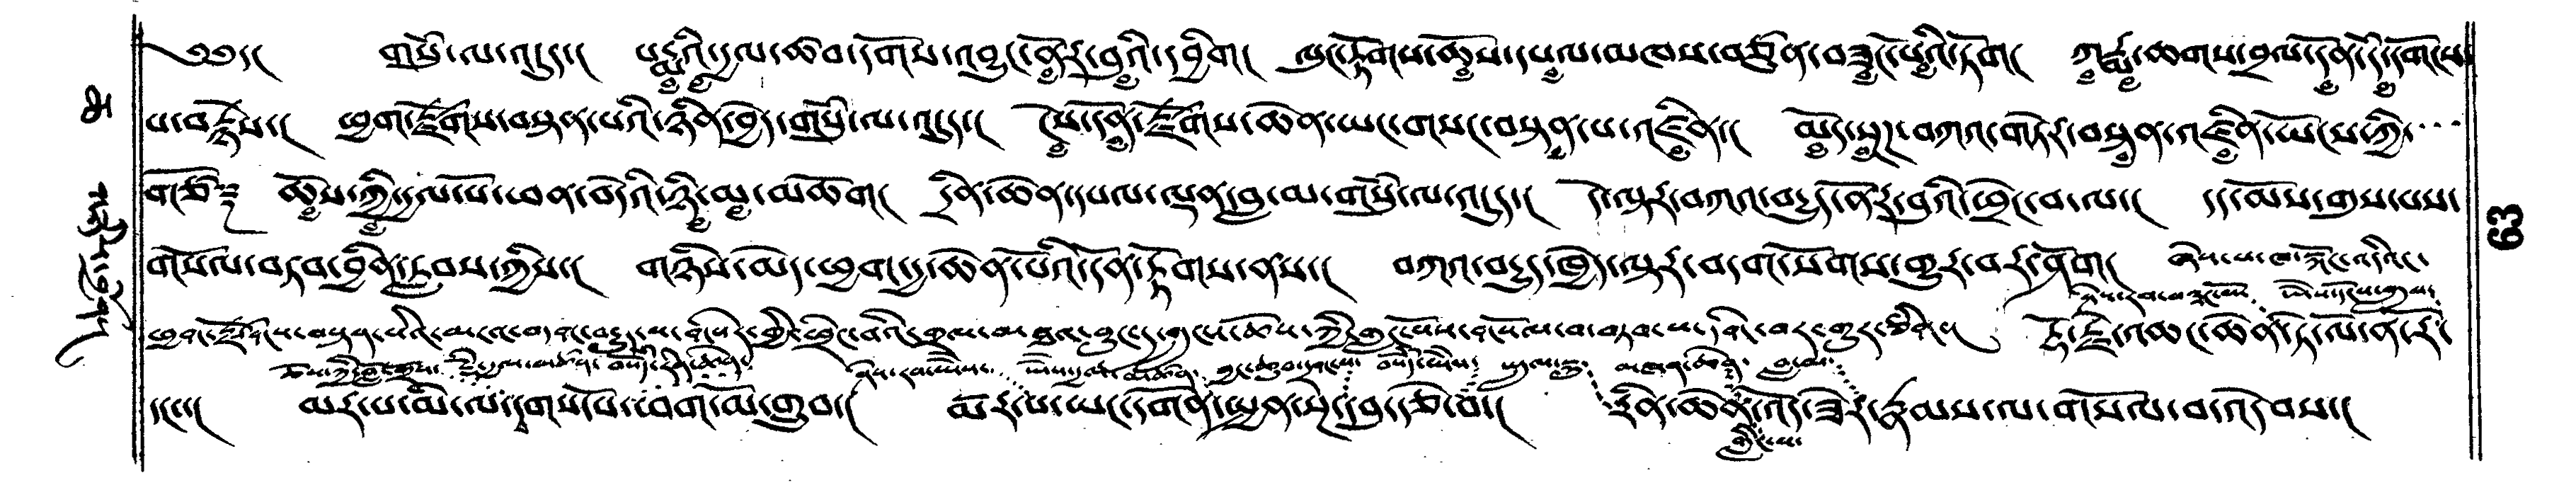གསུམ་ལ་འདུད། །པདྨའི་རྒྱལ་ཚབ་དགོས་འབྱུང་ནོར་བུའི་དབྱིག །ལུང་རྟོགས་ཆོས་དཔལ་མཁས་བཙུན་བཟང་པོའི་ཏོག །ཀརྨ་ཆགས་བྲལ་དོན་དམ་དགོངས་
པ་བརྙེས། །ཕྱག་རྫོགས་བསྟན་པའི་ཉིན་བྱེད་གསུམ་ལ་འདུད། །ངེས་དོན་རྫོགས་ཆེན་ཡང་གསང་བསྟན་པ་འཛིན། །མདོ་སྔགས་བཀའ་གཏེར་བསྟན་འཛིན་ཡོངས་ཀྱི་
གཙོ། །ཆོས་ཀྱི་རྒྱལ་པོ་ཕན་བདེའི་ཉི་མ་མཆོག །དྲིན་ཆེན་དཔལ་ལྡན་བླ་མ་གསུམ་ལ་འདུད། །དེ་ལྟར་བཀའ་བརྒྱུད་ནོར་བུའི་ཕྲེང་བ་ལ། །དད་མོས་གུས་པས་
གསོལ་བཏབ་བྱིན་རླབས་ཀྱིས། །གཉིས་མེད་ཕྱག་རྒྱ་ཆེན་པོའི་དོན་རྟོགས་ནས། །བཀའ་བརྒྱུད་ཁྱེད་ལྟར་བདག་སོགས་འགྱུར་བར་ཤོག ཞེས་པ་ཁ་སྐོང་འདིའང་
ཕྱག་རྫོགས་བསྟན་པའི་མངའ་བདག་བརྒྱུད་པ་གསེར་གྱི་ཕྲེང་བའི་གྲལ་མཐར་གནས་པ་ཆོས་ཀྱི་གླང་པོས་གསོལ་བ་བཏབ་པ་དགེ་བར་གྱུར་ཅིག རྡོ་རྗེ་འཆང་ཆེན་ཏེ་ལོ་ན་རོ་
དང་། །མར་པ་མི་ལ་དྭགས་པོ་ཕག་མོ་གྲུ། །སྨྲ་པ་ཡང་དགོན་སྤྱན་སྔ་དབུ་སེ་བ། །རིན་ཆེན་འོད་ཟེར་རྣམས་ལ་གསོལ་བ་འདེབས།